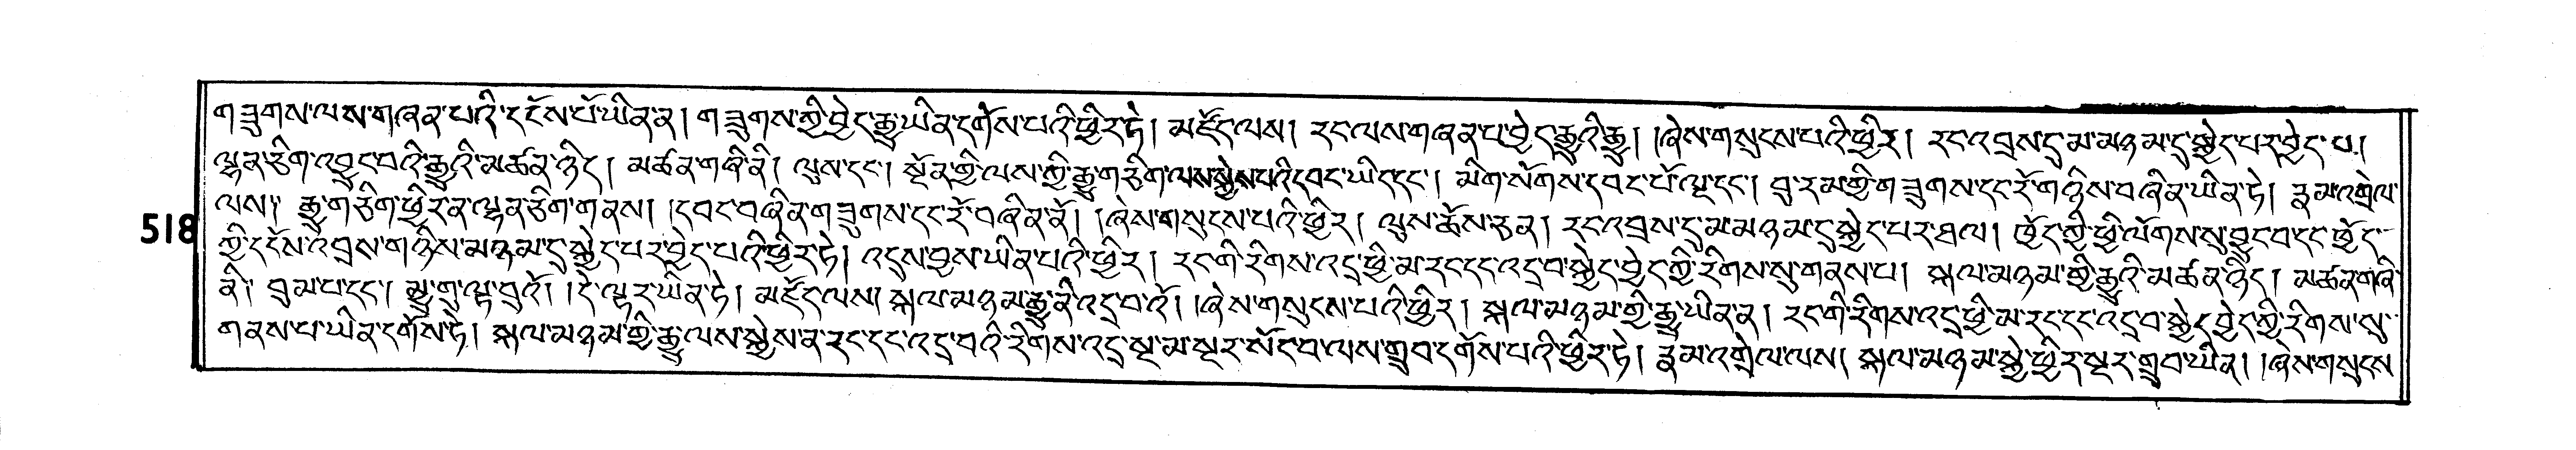གཟུགས་ལས་གཞན་པའི་དངོས་པོ་ཡིན་ན། གཟུགས་ཀྱི་བྱེད་རྒྱུ་ཡིན་དགོས་པའི་ཕྱིར་ཏེ། མཛོད་ལས། རང་ལས་གཞན་པ་བྱེད་རྒྱུའི་རྒྱུ། །ཞེས་གསུངས་པའི་ཕྱིར། རང་འབྲས་དུ་མཉམ་དུ་སྐྱེད་པར་བྱེད་པ།
ལྷན་ཅིག་འབྱུང་བའི་རྒྱུའི་མཚན་ཉིད། མཚན་གཞི་ནི། ལུས་དང་། སྔོན་གྱི་ལས་ཀྱི་རྒྱུ་གཅིག་ལས་སྐྱེས་པའི་དབང་ཡིད་དང་། མིག་སོགས་དབང་པོ་ལྔ་དང་། བུ་རམ་གྱི་གཟུགས་དང་རོ་གཉིས་བཞིན་ཡིན་ཏེ། རྣམ་འགྲེལ་
ལས༑ རྒྱུ་གཅིག་ཕྱིར་ན་ལྷན་ཅིག་གནས། །དབང་བཞིན་གཟུགས་དང་རོ་བཞིན་ནོ། །ཞེས་གསུངས་པའི་ཕྱིར། ལུས་ཆོས་ཅན། རང་འབྲས་དུ་མ་མཉམ་དུ་སྐྱེད་པར་ཐལ། ཁྱོད་ཀྱི་ཕྱི་ལོགས་སུ་བྱུང་བ་དང་ཁྱོད་
ཀྱི་དངོས་འབྲས་གཉིས་མཉམ་དུ་སྐྱེད་པར་བྱེད་པའི་ཕྱིར་ཏེ། འདུས་བྱས་ཡིན་པའི་ཕྱིར། རང་གི་རིགས་འདྲ་ཕྱི་མ་རང་དང་འདྲ་བ་སྐྱེད་བྱེད་ཀྱི་རིགས་སུ་གནས་པ། སྐལ་མཉམ་གྱི་རྒྱུའི་མཚན་ཉིད། མཚན་གཞི་
ནི༑ བུམ་པ་དང་། མྱུ་གུ་ལྟ་བུའོ། །དེ་ལྟར་ཡིན་ཏེ། མཛོད་ལས། སྐལ་མཉམ་རྒྱུ་ནི་འདྲ་བ་འོ། །ཞེས་གསུངས་པའི་ཕྱིར། སྐལ་མཉམ་གྱི་རྒྱུ་ཡིན་ན། རང་གི་རིགས་འདྲ་ཕྱི་མ་རང་དང་འདྲ་བ་སྐྱེད་བྱེད་ཀྱི་རིགས་སུ་
གནས་པ་ཡིན་དགོས་ཏེ། སྐལ་མཉམ་གྱི་རྒྱུ་ལས་སྐྱེས་ན་རང་དང་འདྲ་བའི་རིགས་འདྲ་སྔ་མ་སྔར་སོང་བ་ལས་གྲུབ་དགོས་པའི་ཕྱིར་ཏེ། རྣམ་འགྲེལ་ལས། སྐལ་མཉམ་སྐྱེ་ཕྱིར་སྔར་གྲུབ་ཡིན། །ཞེས་གསུངས་